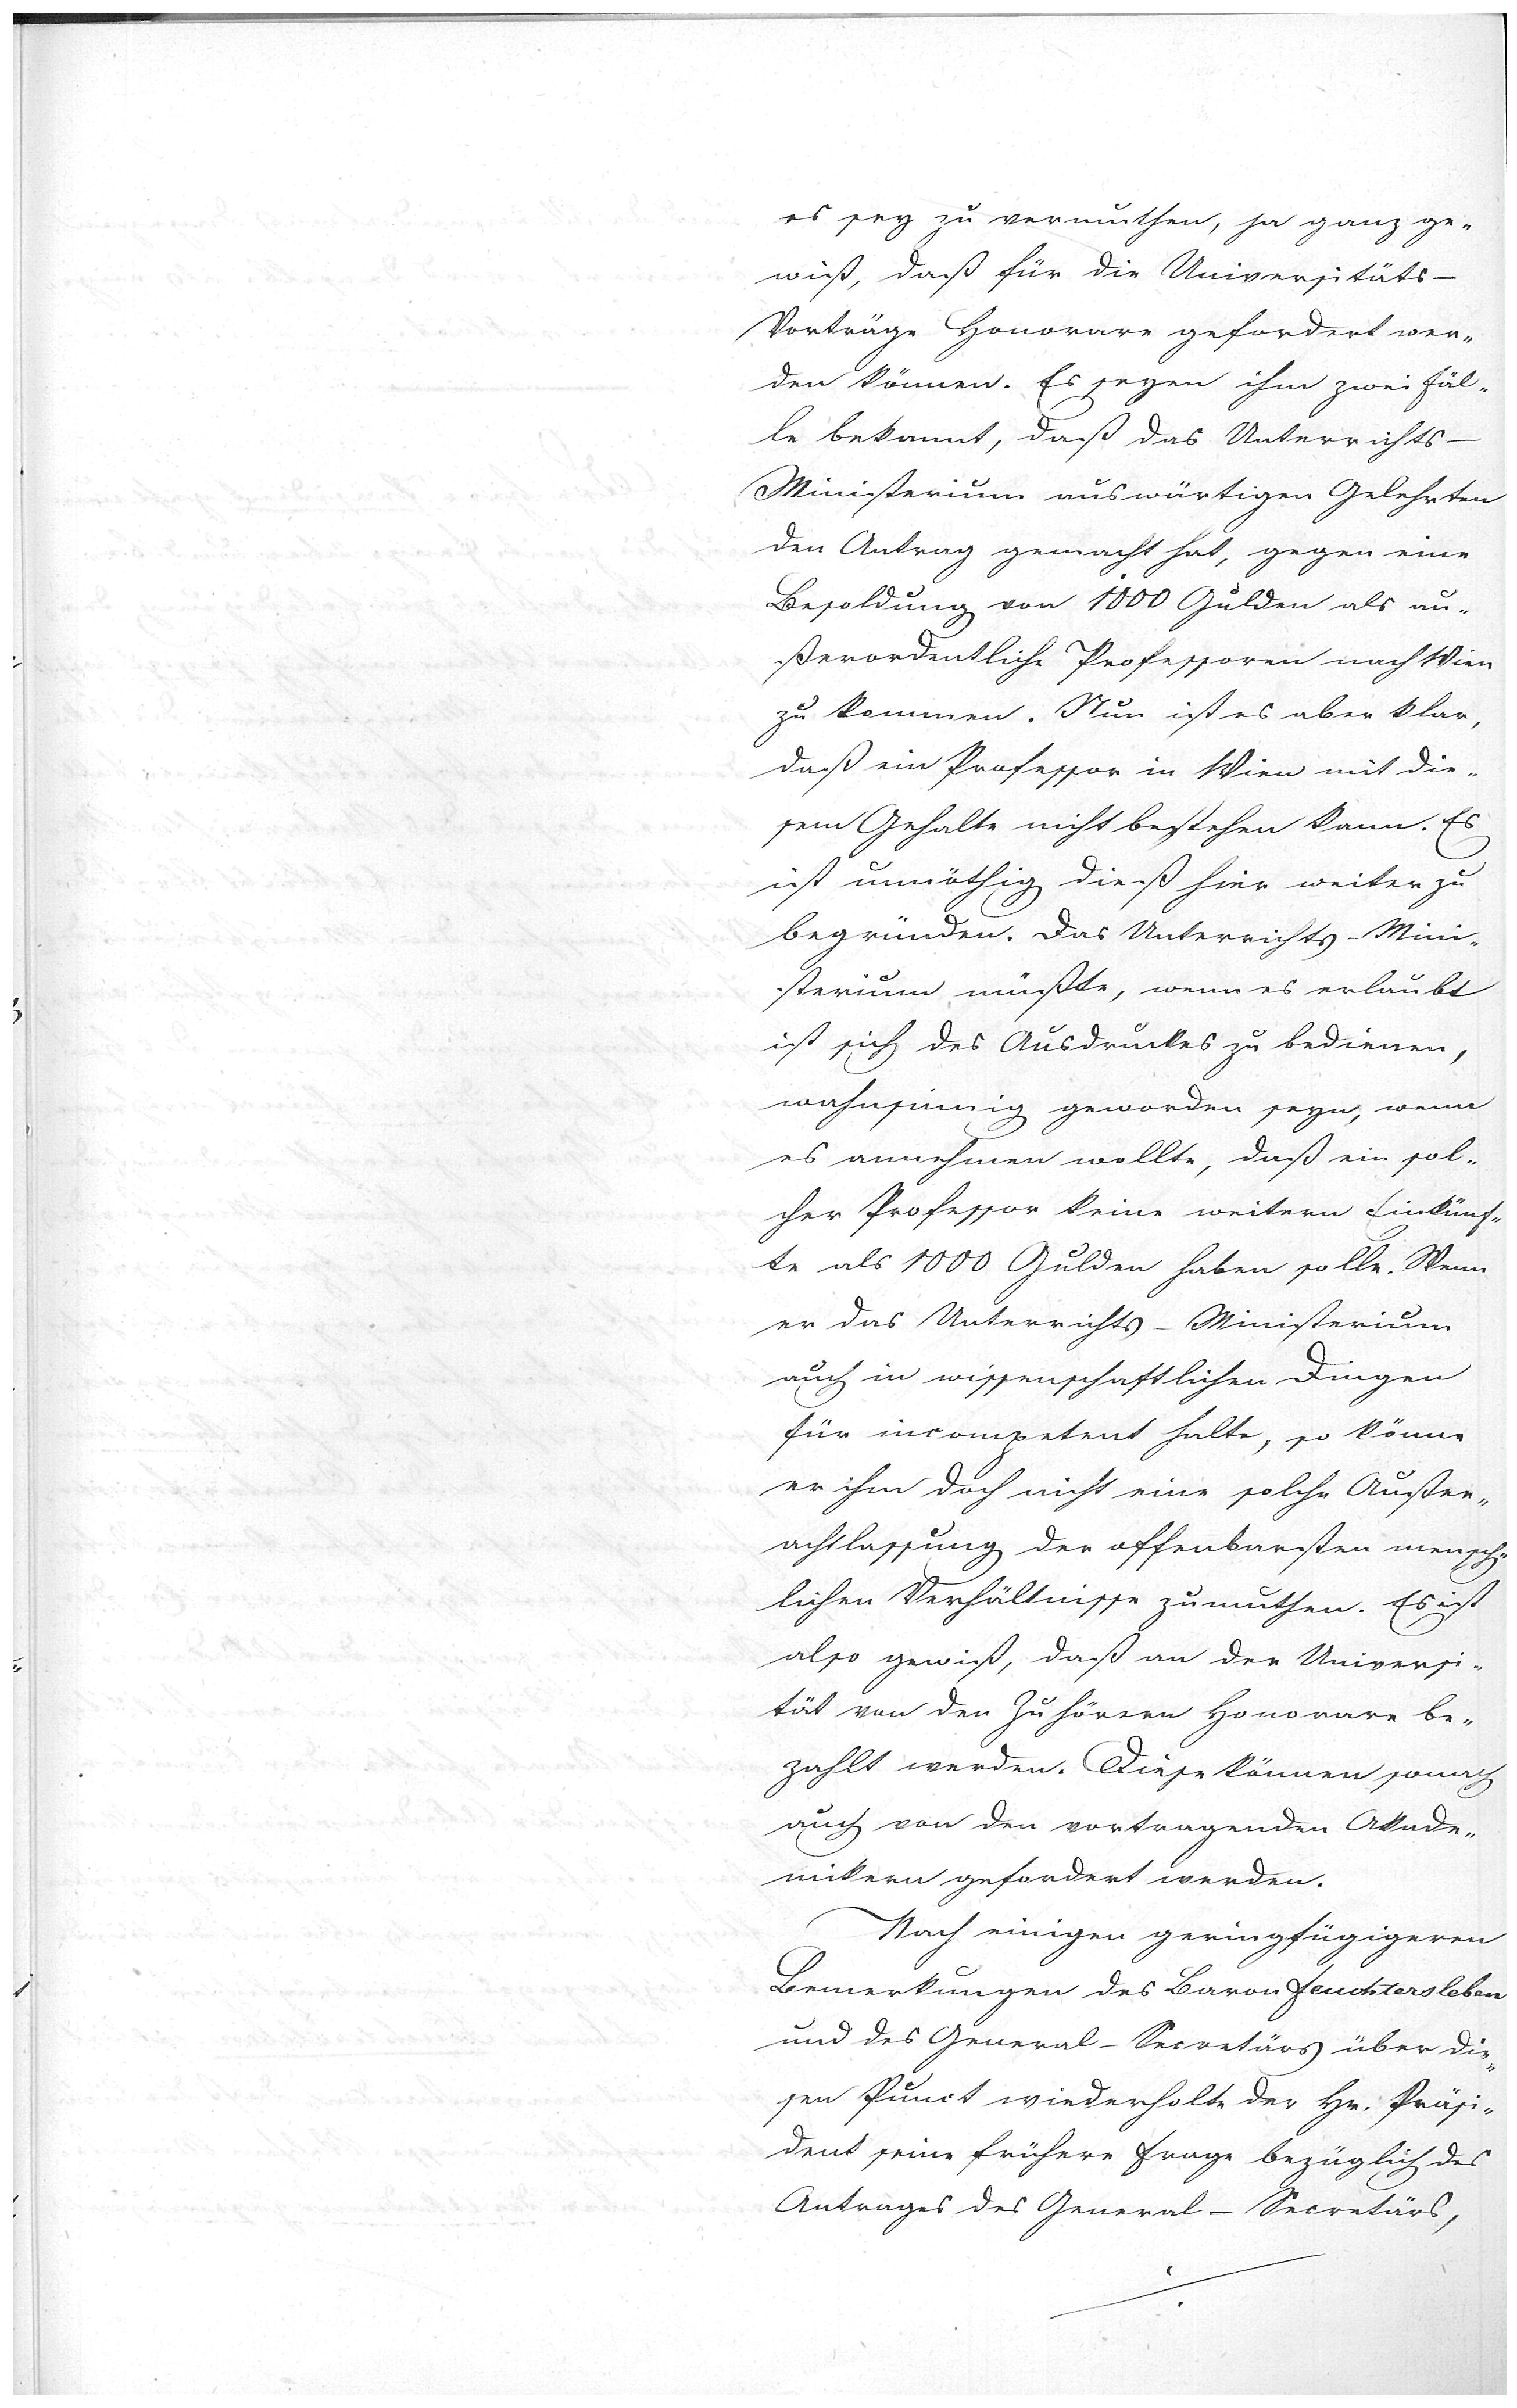es sey zu vermuthen, ja ganz ge-
wiß, daß für die Universitäts-
Vorträge Honorare gefordert wer-
den können. Es seyen ihm zwei Fäl-
le bekannt, daß das Unterrichts-
Ministerium auswärtigen Gelehrten
den Antrag gemacht hat, gegen eine
Besoldung von 1000 Gulden als au-
ßerordentliche Professoren nach Wien
zu kommen. Nun ist es aber klar,
daß ein Professor in Wien mit die-
sem Gehalte nicht bestehen kann. Es
ist unnöthig dieß hier weiter zu
begründen. Das Unterrichts-Mini-
sterium müßte, wenn es erlaubt
ist sich des Ausdruckes zu bedienen,
wahnsinnig geworden seyn, wenn
es annehmen wollte, daß ein sol-
cher Professor keine weitern Einkünf-
te als 1000 Gulden haben solle. Wenn
er das Unterrichts-Ministerium
auch in wissenschaftlichen Dingen
für incompetent halte, so könne
er ihm doch nicht eine solche Außer-
achtlassung der offenbarsten mensch-
lichen Verhältnisse zumuthen. Es ist
also gewiß, daß an der Universi-
tät von den Zuhörern Honorare be-
zahlt werden. Diese können sonach
auch von den vortragenden Akade-
mikern gefordert werden.
Nach einigen geringfügigeren
Bemerkungen des Baron Feuchtersleben
und des General-Secretärs über die-
sen Punct wiederholt der Hr. Präsi-
dent seine frühere Frage bezüglich des
Antrages des General-Secretärs,